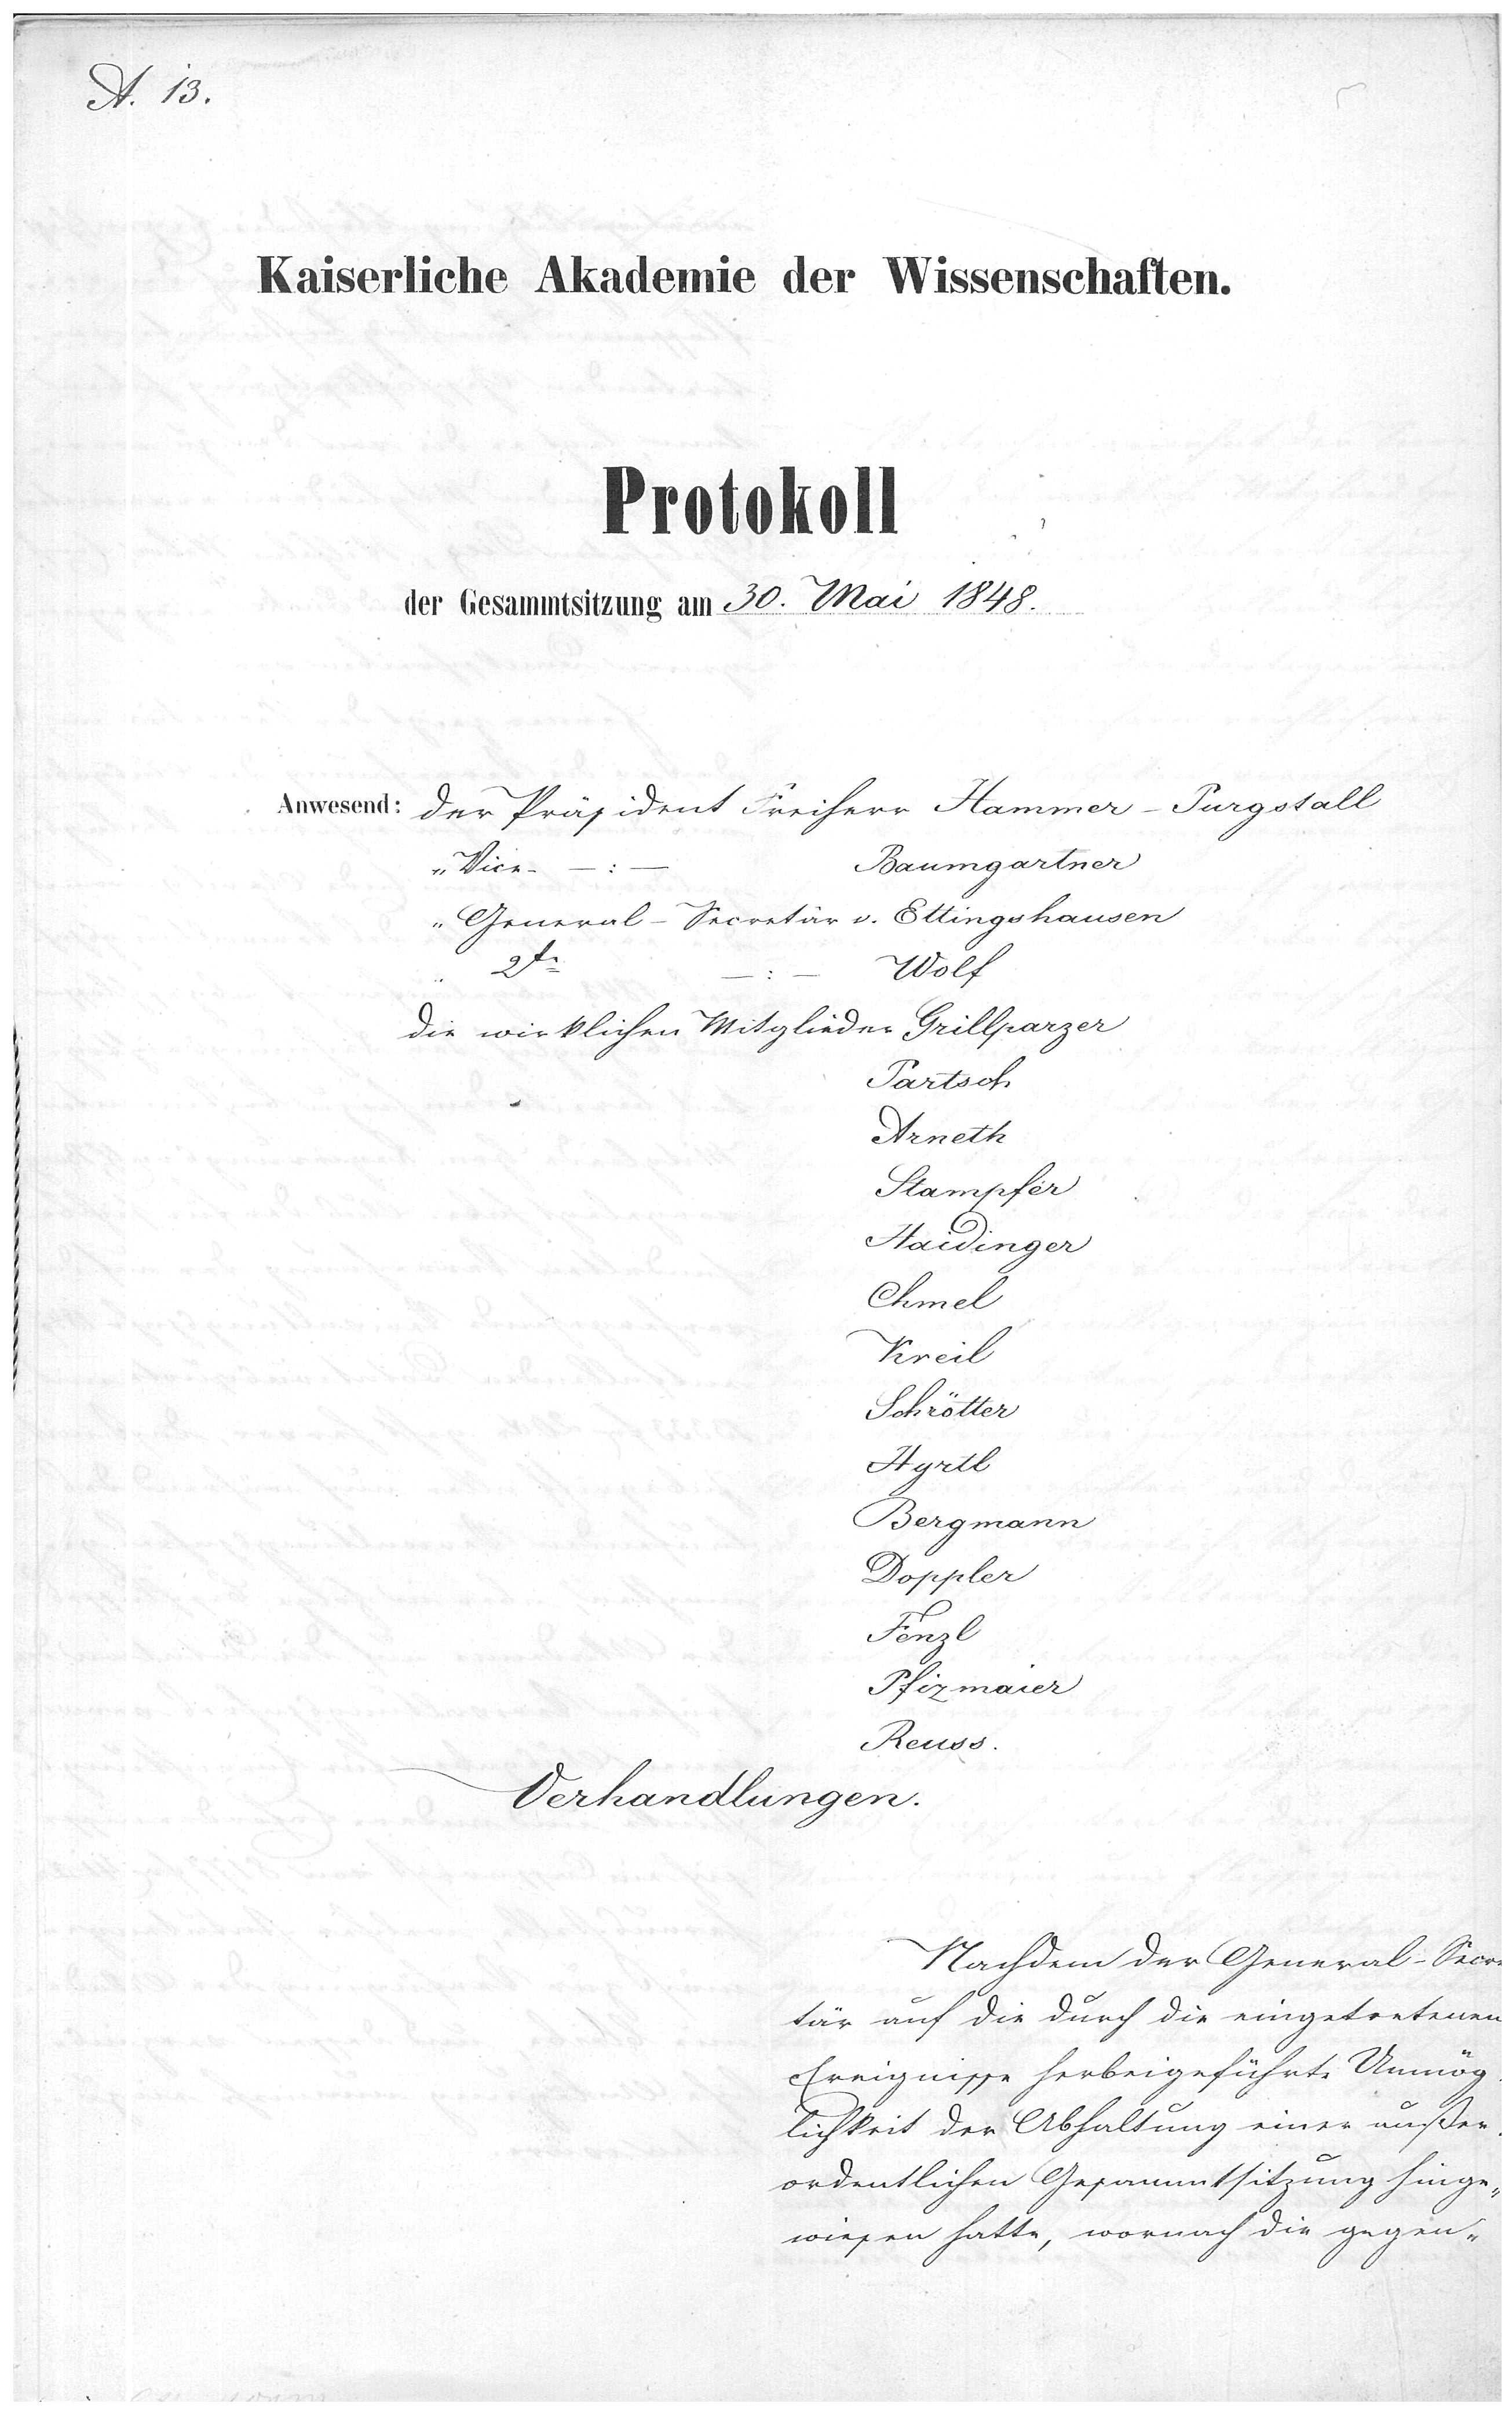A. 13.
Kaiserliche Akademie der Wissenschaften.
Protokoll
der Gesammtsitzung am 30. Mai 1848
Anwesend: der Präsident Freiherr Hammer-Purgstall
" Vice- " Baumgartner
" General-Secretär v. Ettingshausen
" 2te " Wolf
Die wirklichen Mitglieder Grillparzer
Partsch
Arneth
Stampfer
Haidinger
Chmel
Kreil
Schrötter
Hartl
Bergmann
Doppler
Fenzl
Pfizmaier
Reuss
Verhandlungen.
Nachdem der General-Secre-
tär auf die durch die eingetretenen
Ereignisse herbeigeführte Unmög-
lichkeit der Abhaltung einer außer-
ordentlichen Gesammtsitzung hinge-
wiesen hatte, wornach die gegen-